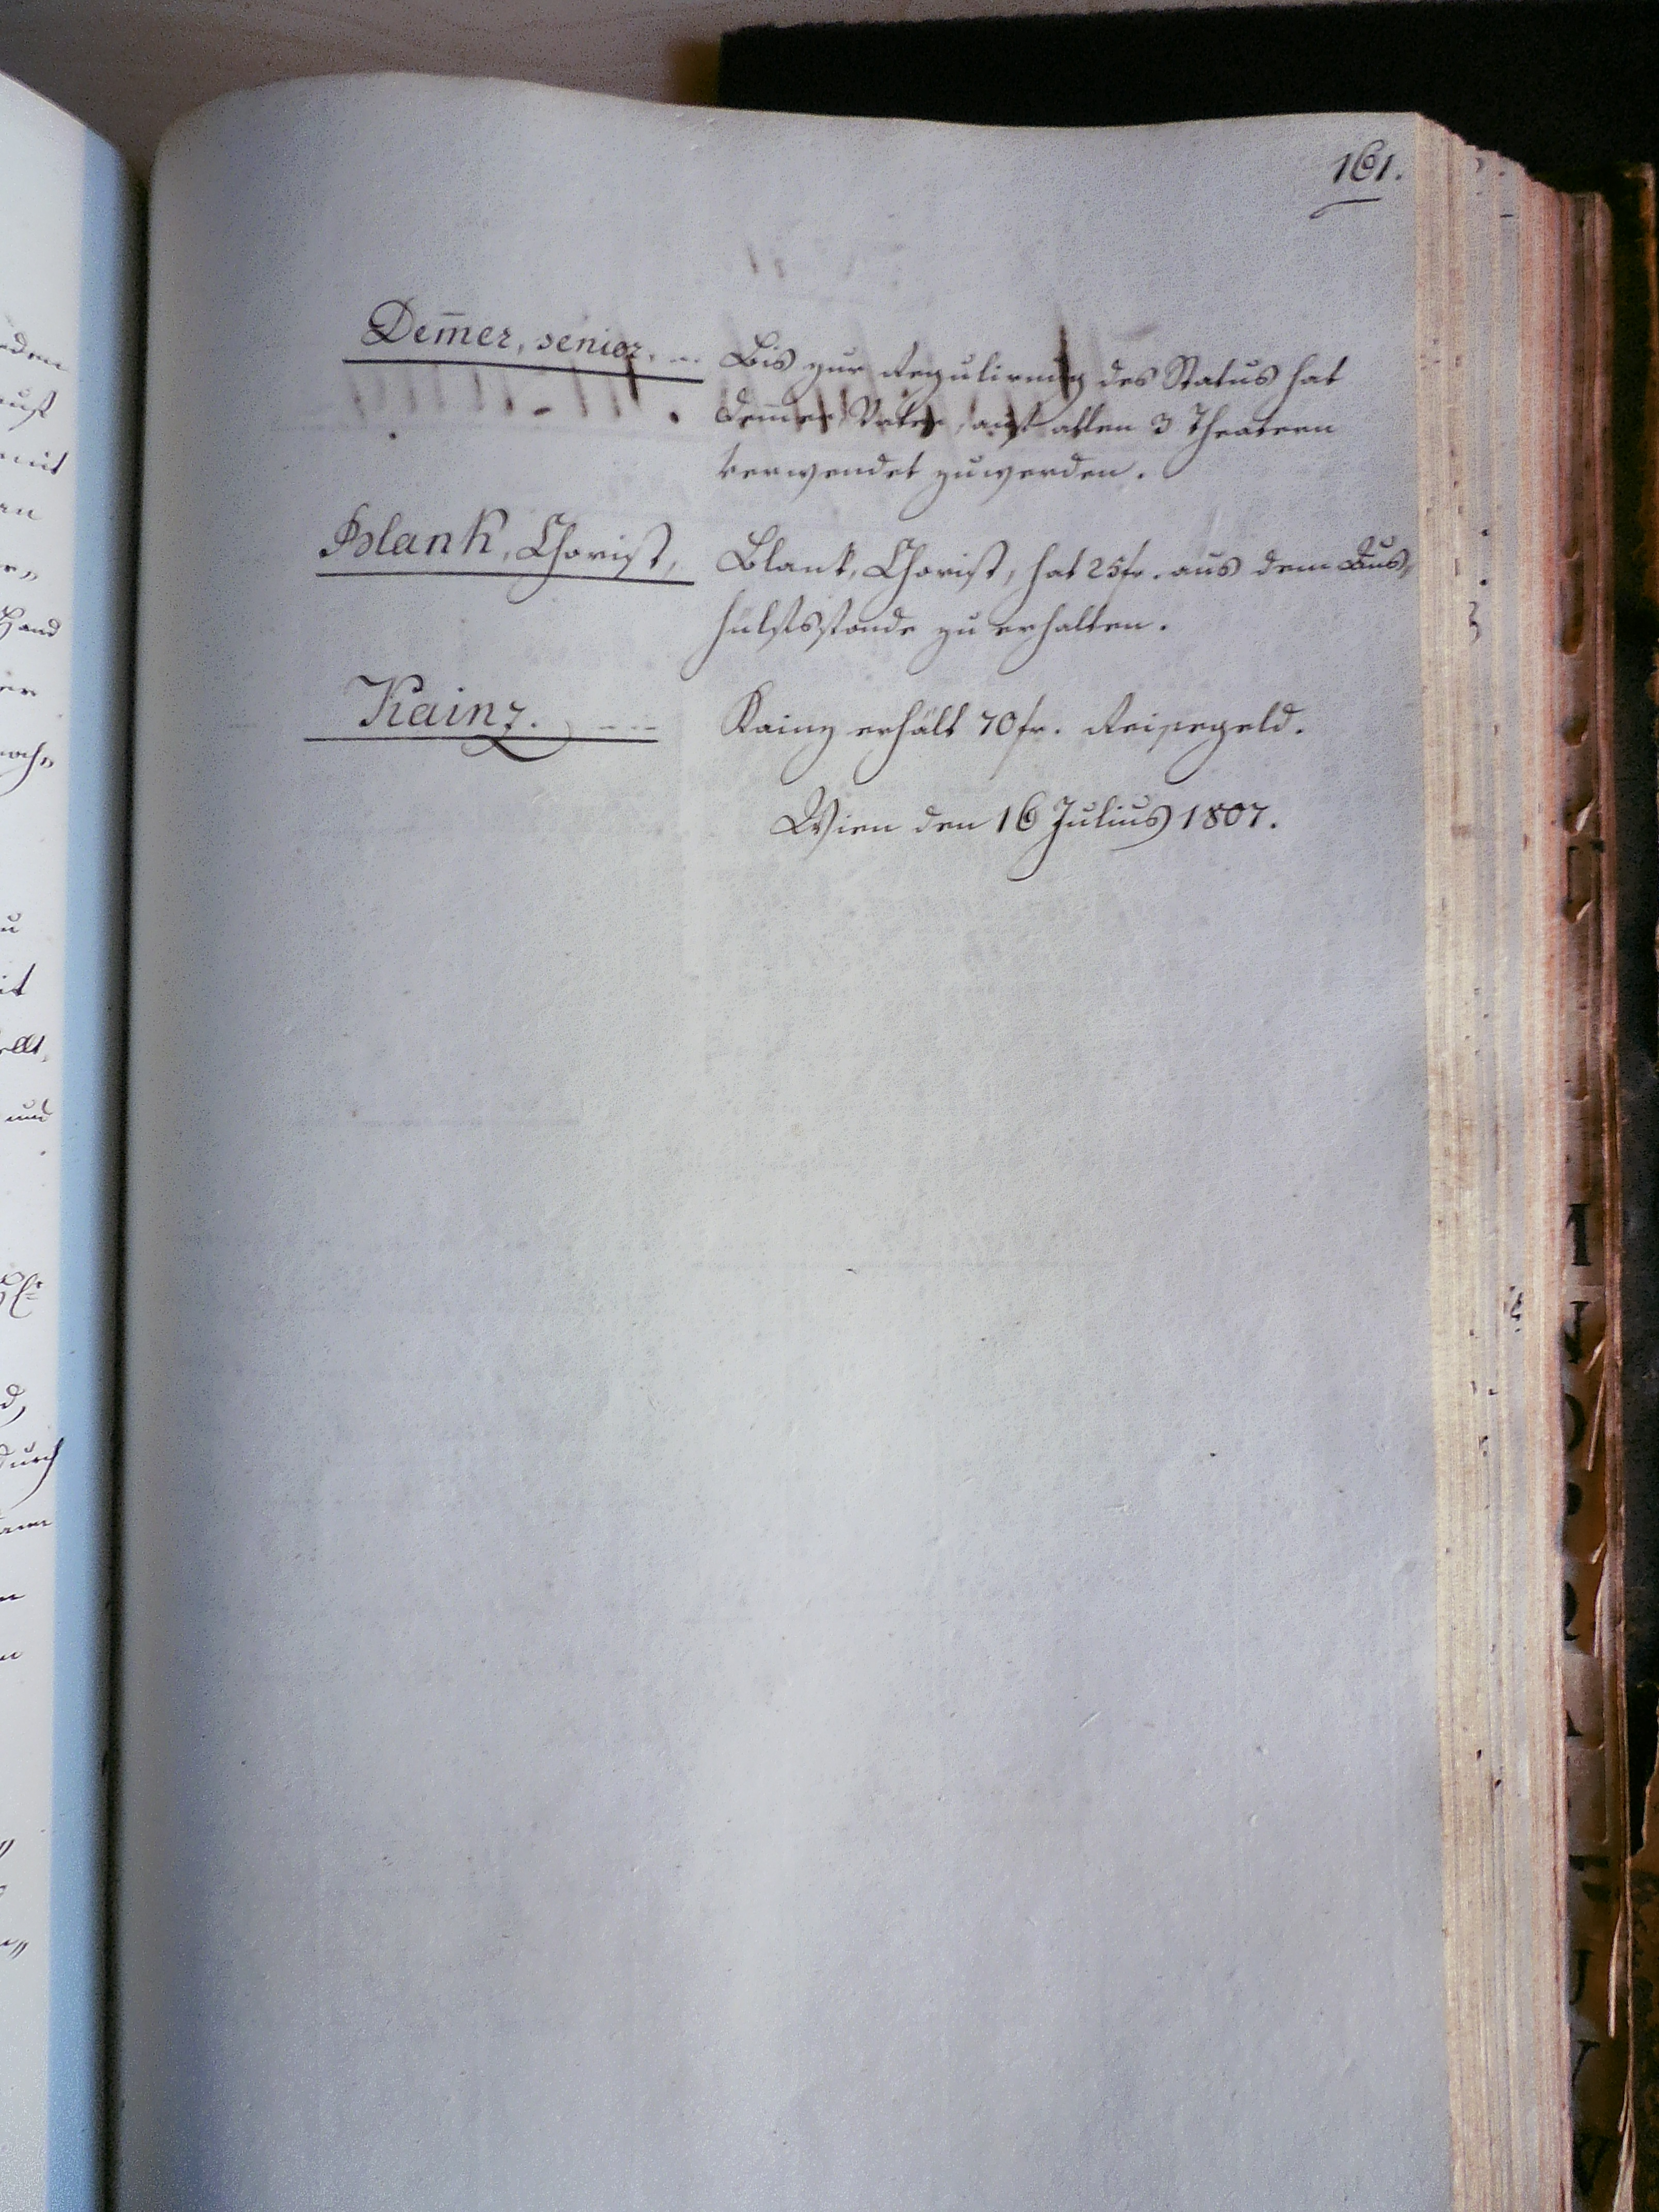161.
Dem̅er, senior. ... Bis zur Regulirung des Status hat
Dem̅er Vater, auf allen 3 Theatern
verwendet zuwerden.
Blank, Chorist, Blank Chorist, hat 25fr. aus dem Aus¬
hülfsfonde zu erhalten.
Kainz. .. .. Kainz erhält 70fr. Reisegeld.
Wien den 16 Julius 1807.